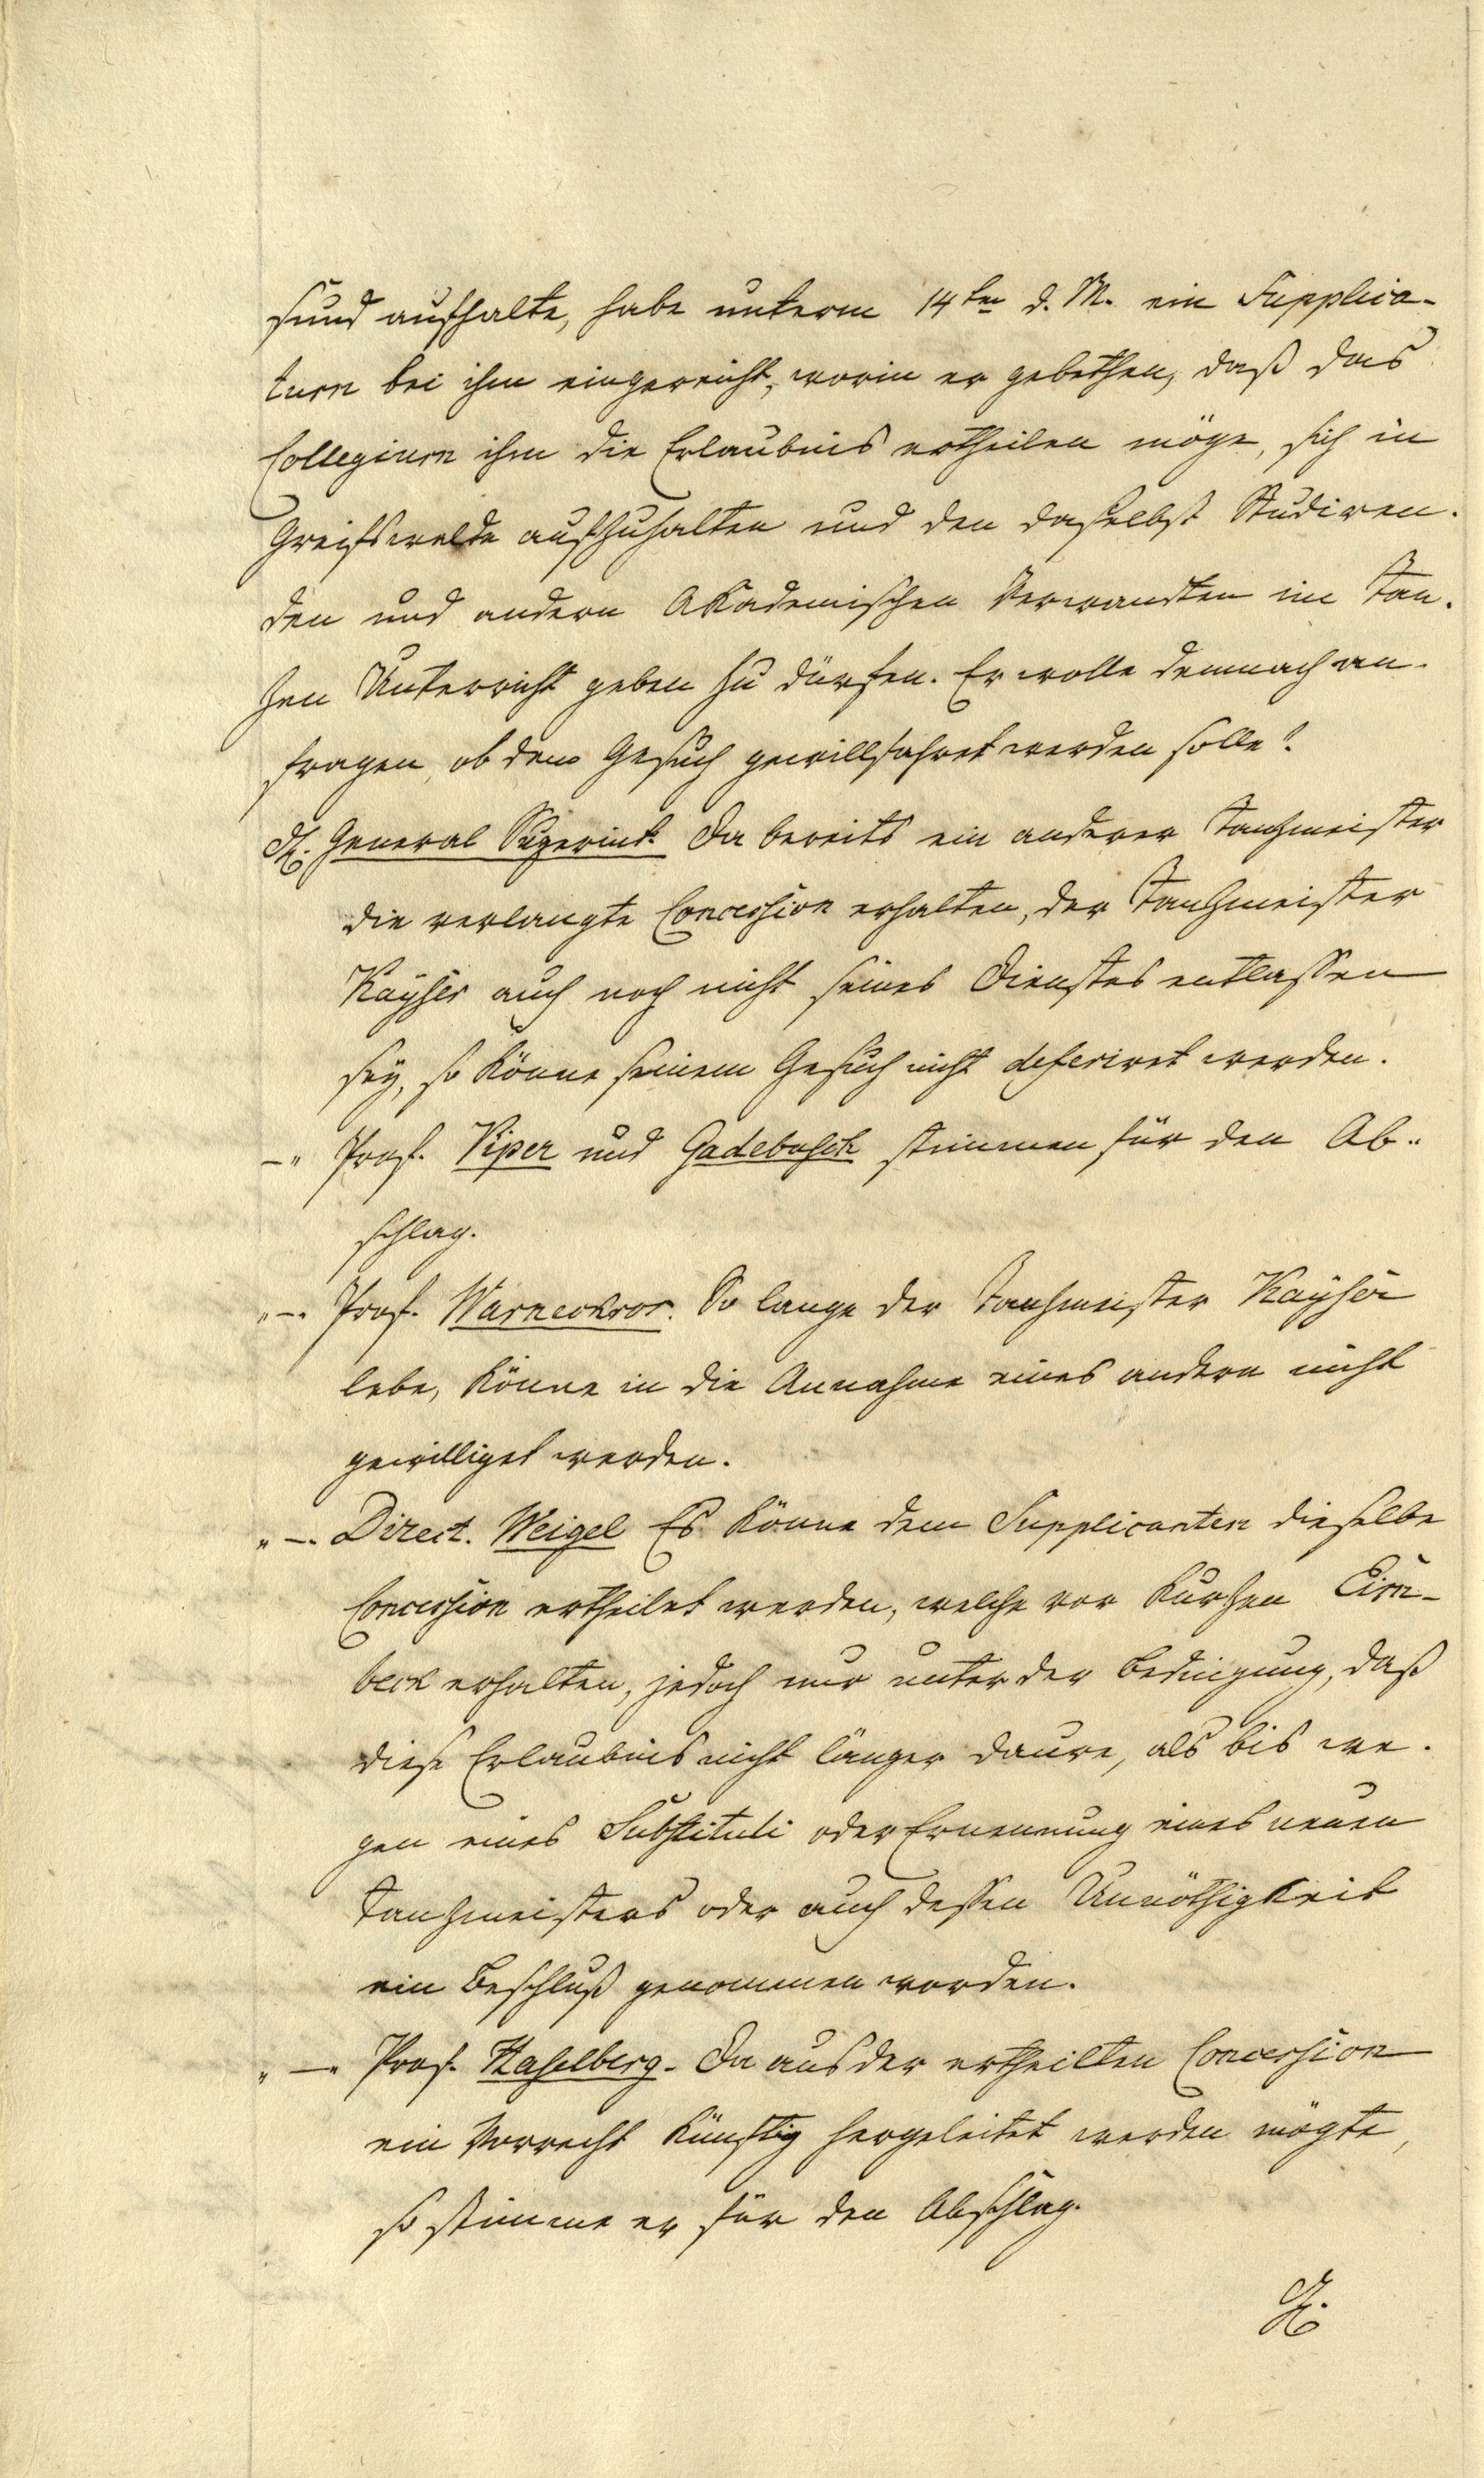sund aufhalte, habe unterm 14en d. M. ein Supplica-
tum bei ihm eingereicht, worin er gebethen, daß das
Collegium ihm die Erlaubnis ertheilen möge, sich in
Greifswalde aufzuhalten und den daselbst Studiren-
den und andern Akademischen Verwandten im Tan-
zen Unterricht geben zu dürfen. Er wolle demnach an-
fragen, ob dem Gesuch gewillsahmt werden solle?
d.h. General Superint. Da bereits ein anderer Tanzmeister
die verlangte Concession erhalten, der Tanzmeister
Kayer auch noch nicht seines Dienstes entlassen
sey, so könne seinem Gesuch nicht deferiret werden.
- " Prof. Piper und Gadebusch stimmen für den Ab-
schlag.
" - " Prof. Warneckros. So lange der Tanzmeister Kayser
lebe, könne in die Annahme eines andern nicht
gewilliget werden.
" - " Direct. Weigel Es könne dem Supplicanten dieselbe
Concession ertheilet werden, welche vor kurzen Eim-
beck erhalten, jedoch nur unter der Bedingung, daß
diese Erlaubnis nicht länger daure, als bis we-
gen eines Substituti oder Ernennung eines neuen
Tanzmeisters oder auch dessen Unnöthigkeit
ein Beschluß genommen worden.
" - " Prof. Haselberg. Da aus der ertheilten Concession
ein Vorrecht künftig hergeleitet werden mögte,
so stimme er für den Abschlag.